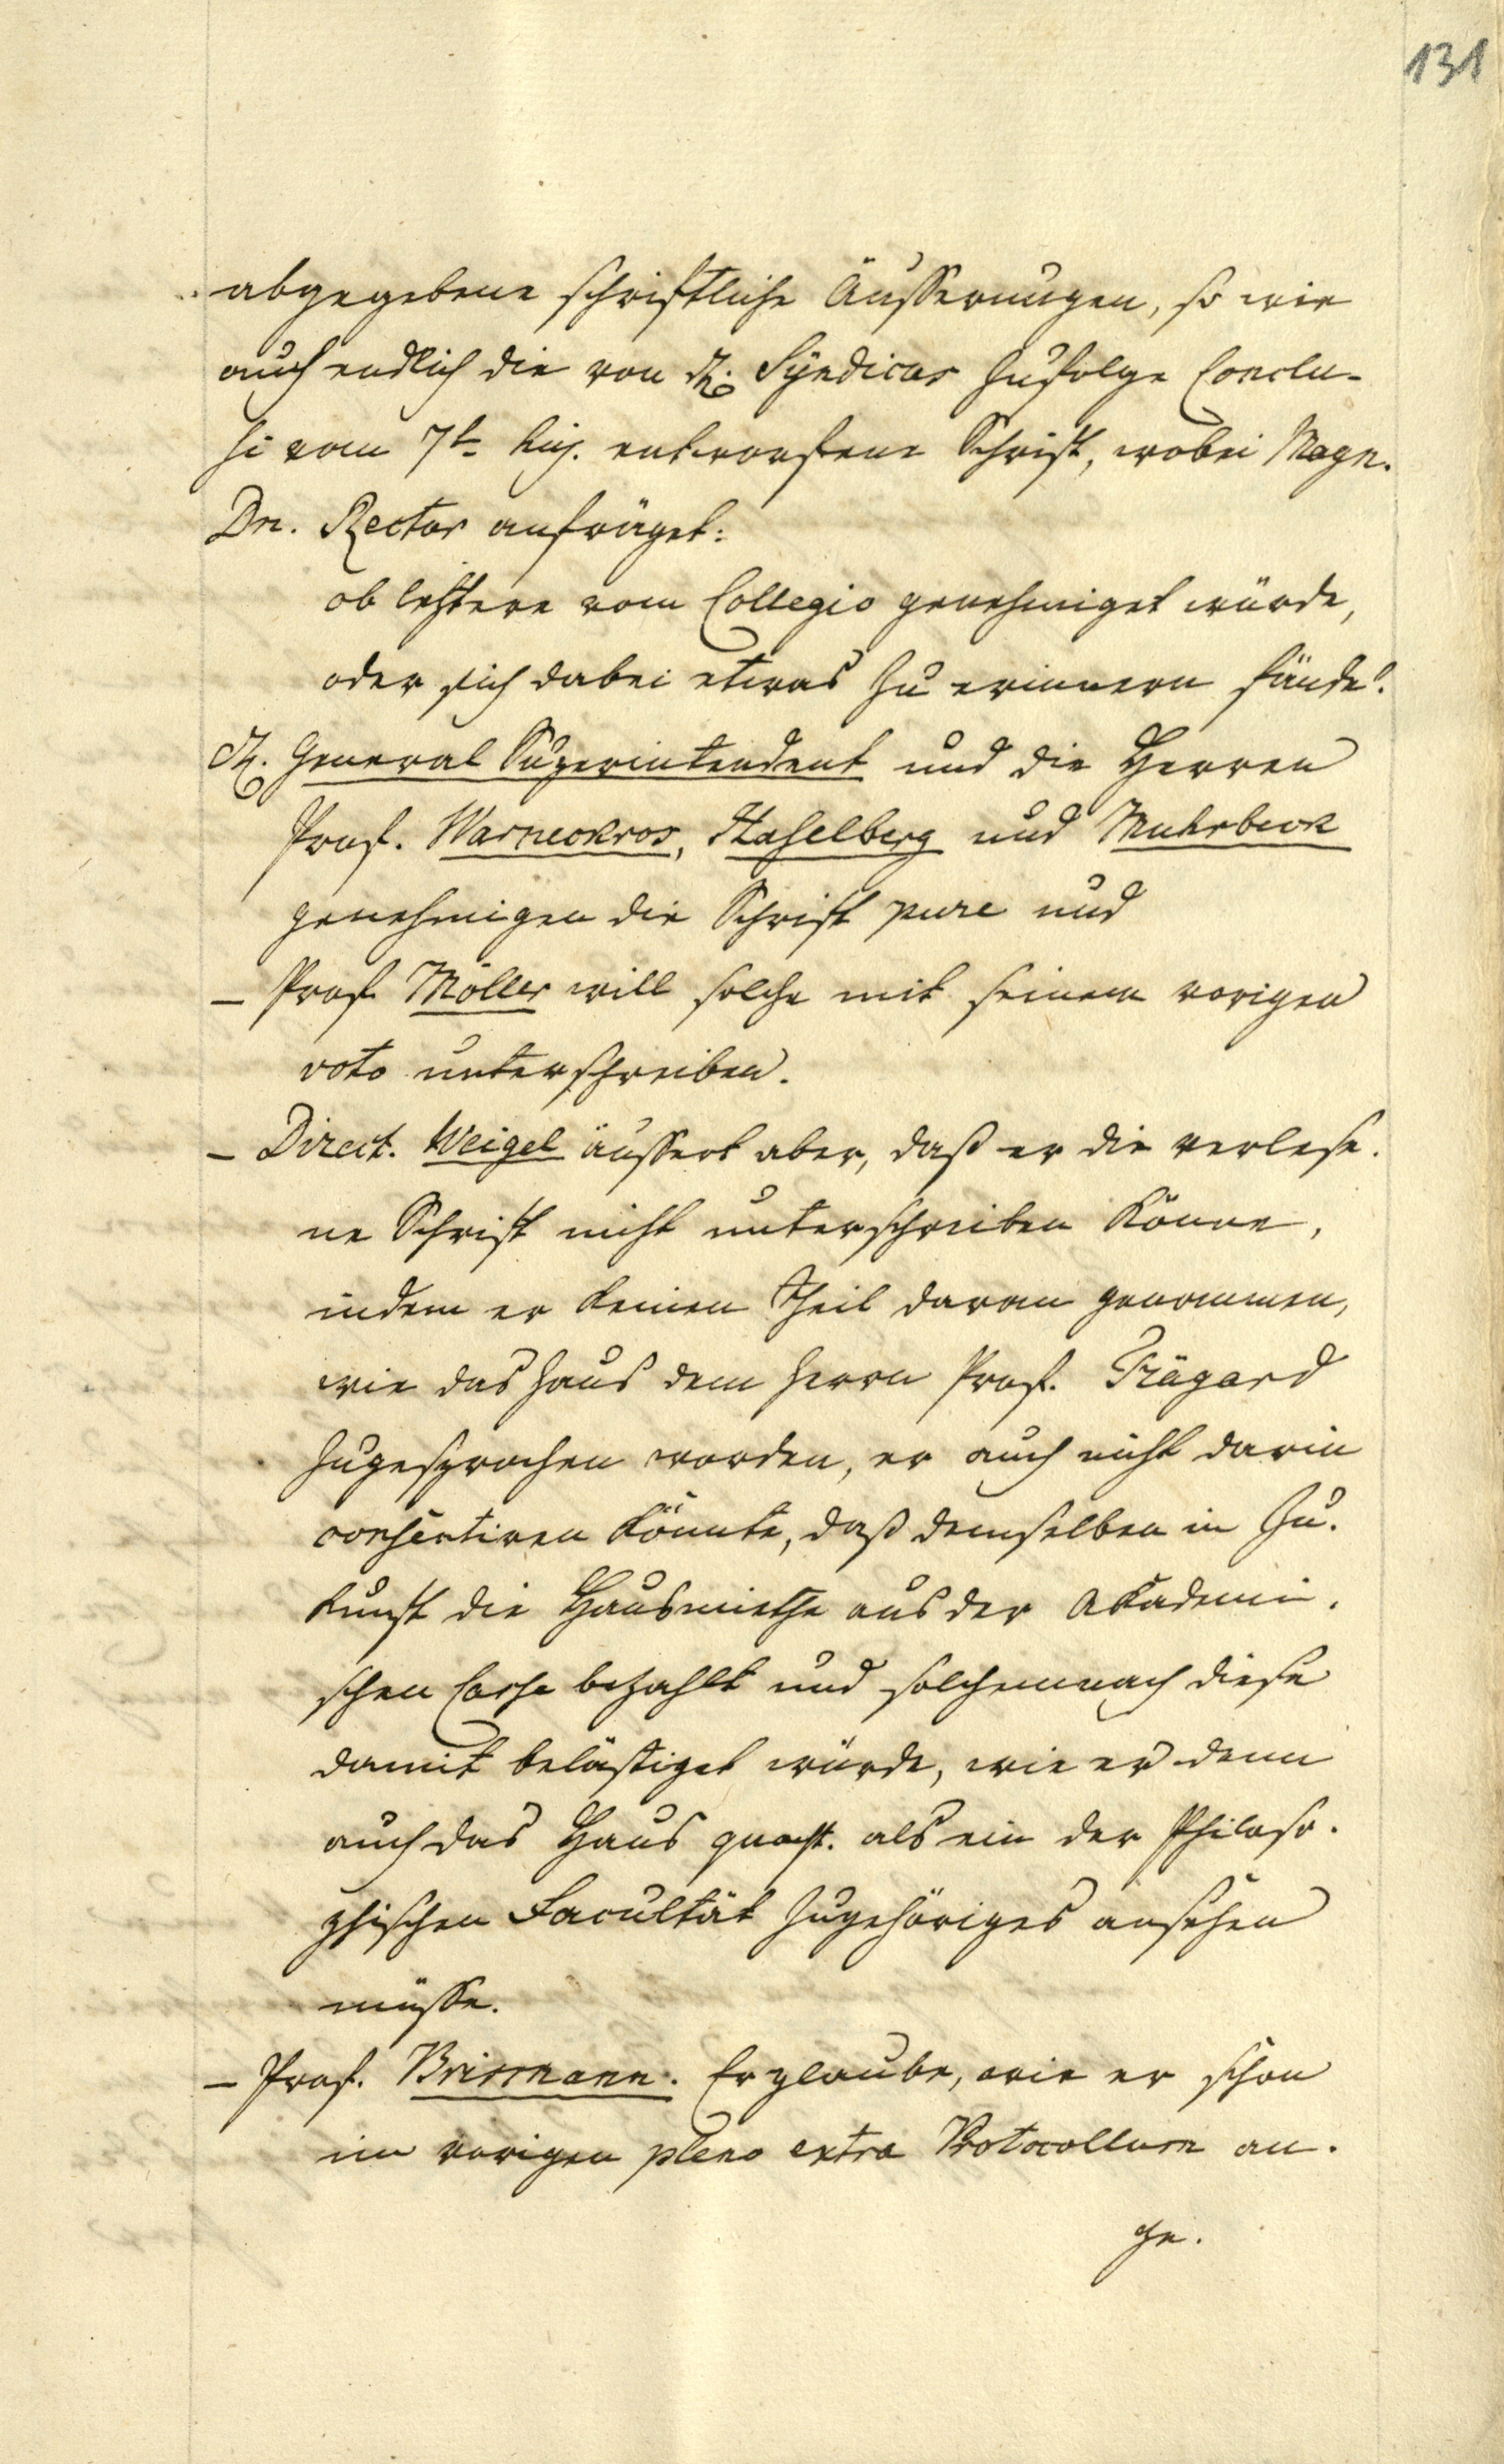abgegebene schriftliche Äusserungen, so wie
auch endlich die von dh. Sÿndicus zufolge Conclu¬
si vom 7 ten huj. entworfene Schrift, wobei Magn.
Dn. Rector anfräget:
ob letztere vom Collegio genehmiget würde,
oder sich dabei etwas zu erinnern fände?.
dh. General Superintendent und die Herren
Prof. Warneckros, Haselberg und Muhrbeck
genehmigen die Schrift pure und
Prof. Möller will solche mit seinem vorigen
voto unterschreiben.
Direct. Weigel äussert aber, daß er die verlese¬
ne Schrift nicht unterschreiben könne,
indem er keinen Theil daran genommen,
wie das Haus dem Herrn Prof. Trägård
zugesprochen worden, er auch nicht darin
consentiren könnte, daß demselben in Zu¬
kunft die Hausmiethe aus der akademi¬
schen Casse bezahlt und solchemnach diese
damit belästiget würde, wie er denn
auch das Haus quast. als ein der Philoso¬
phischen Facultät zugehöriges ansehen
müsse.
Prof. Brismann. Er glaube, wie er schon
im vorigen pleno extra Protocollum an¬
ge-